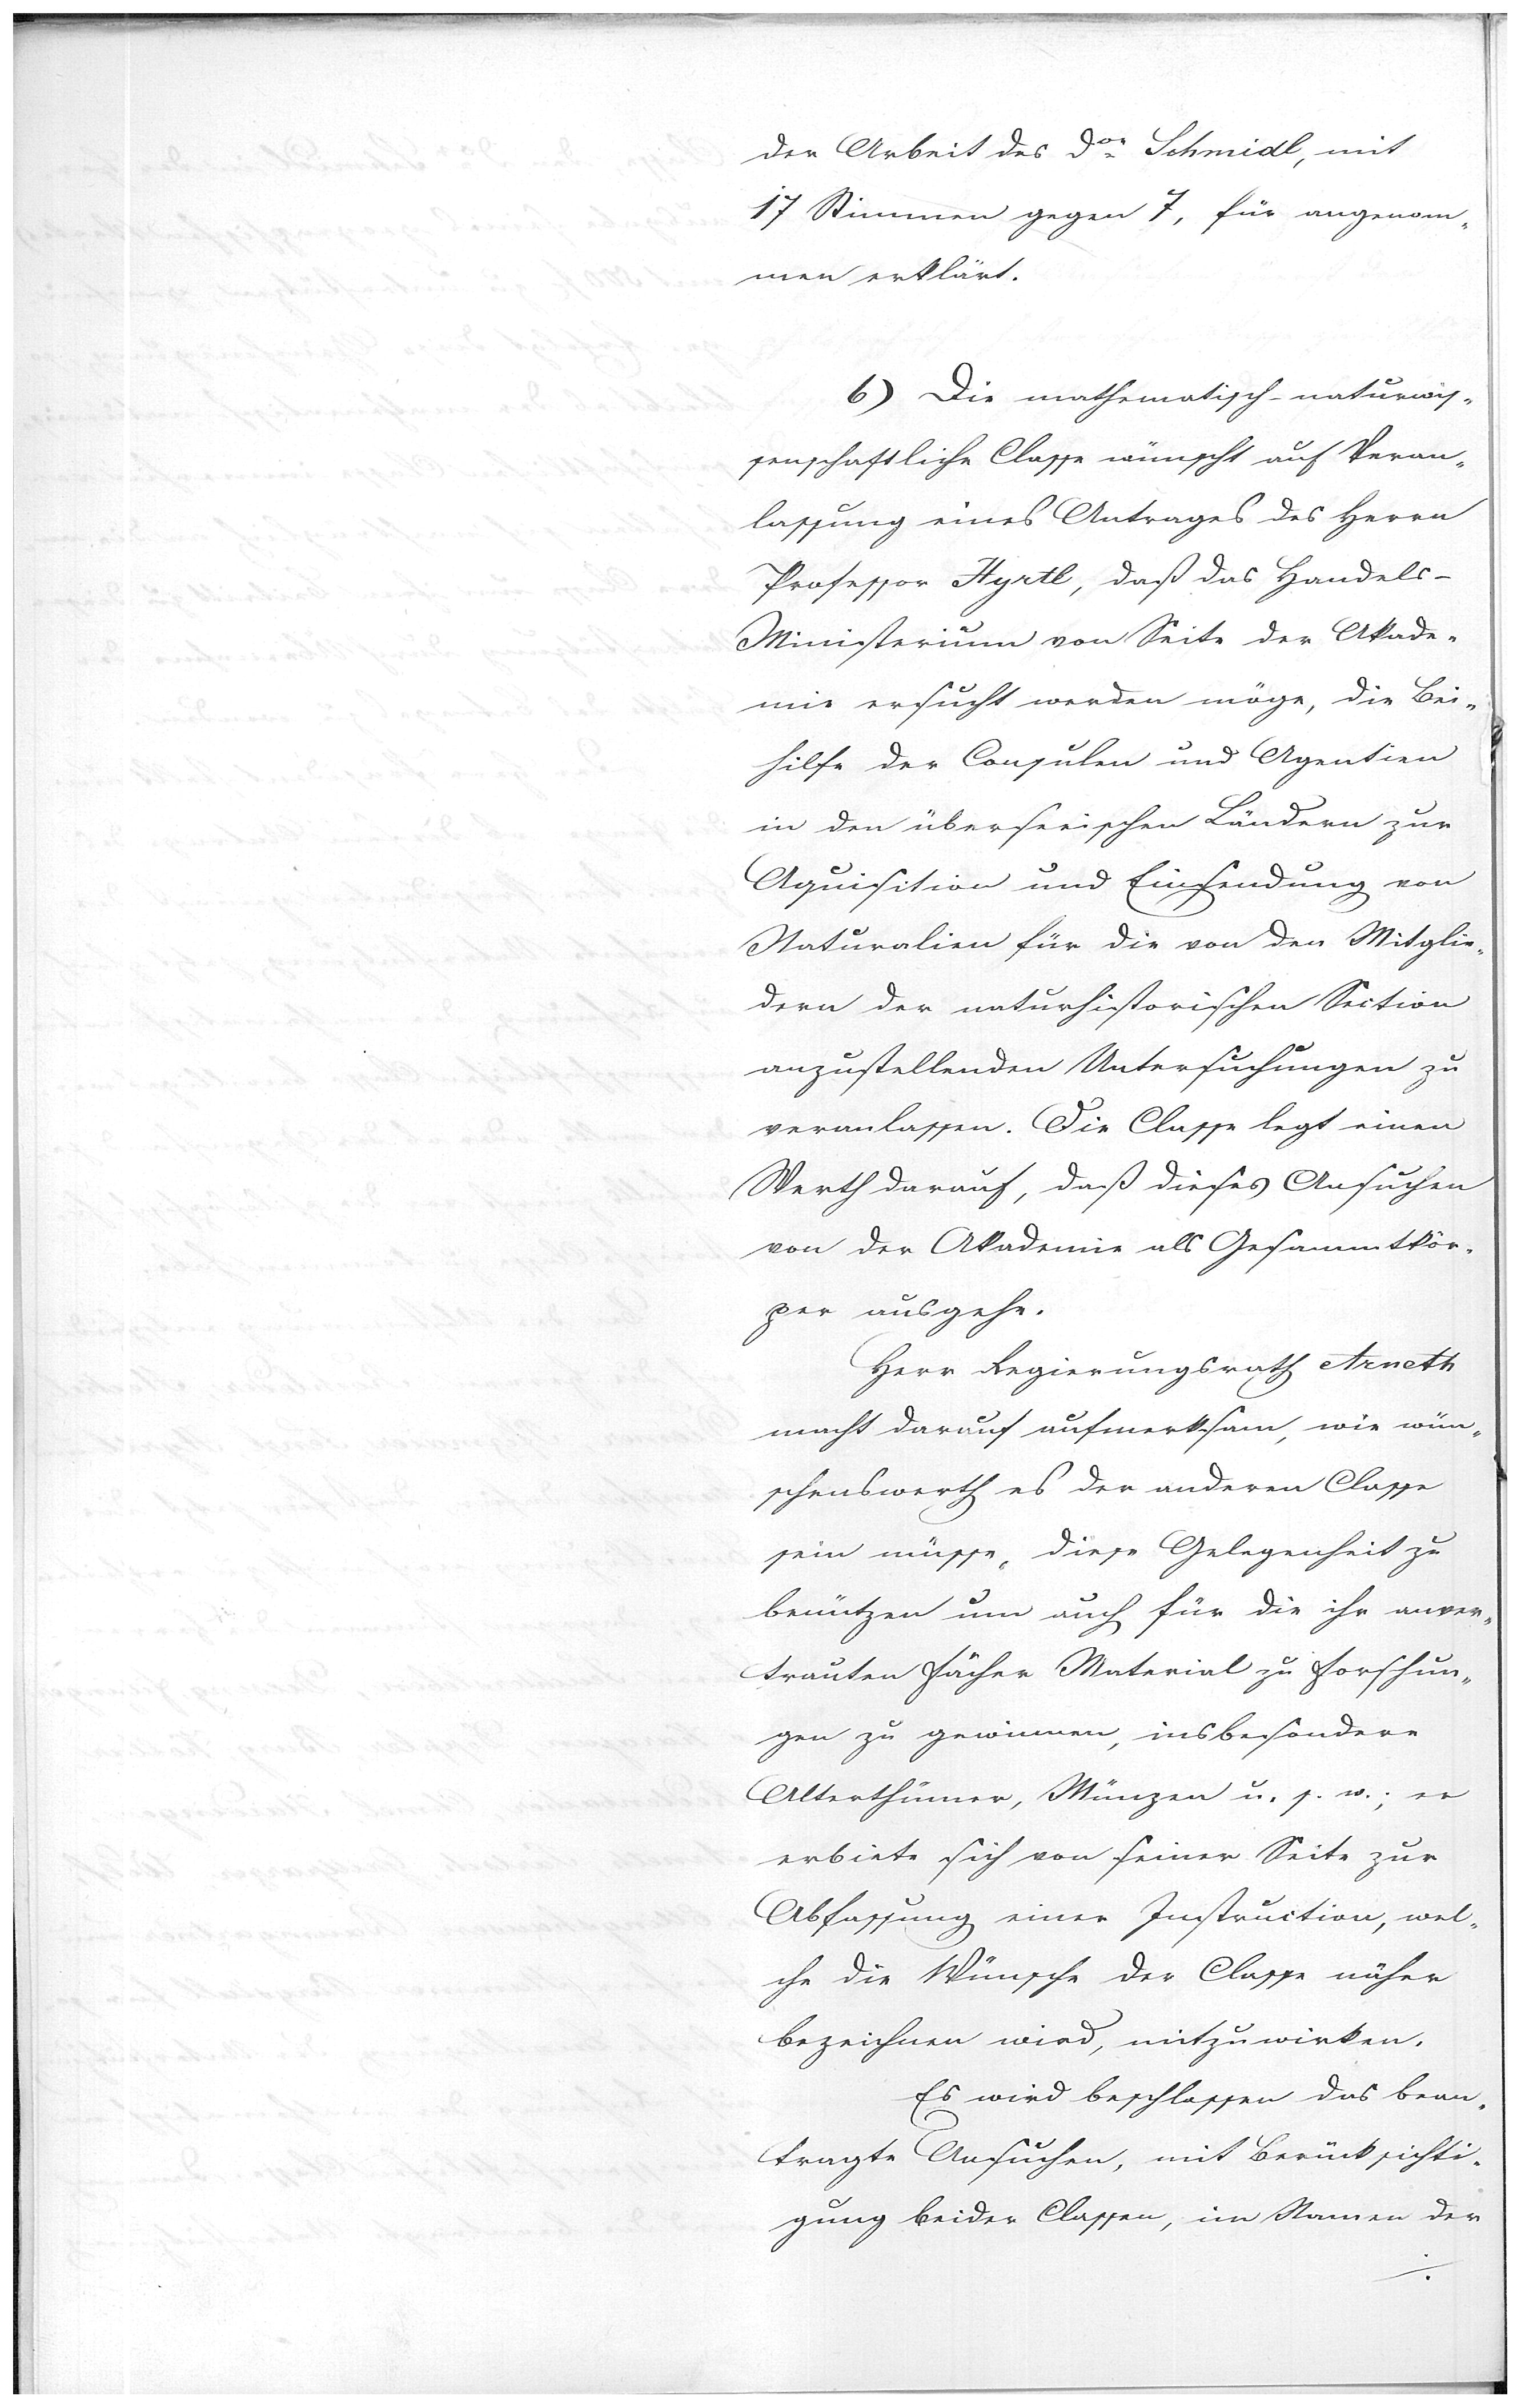der Arbeit der Dor Schmidl, mit
17 Stimmen gegen 7, für angenom-
men erklärt.
b) Die mathematisch-naturwis-
senschaftliche Classe wünscht auf Veran-
lassung eines Antrages des Herrn
Professor Hyrtl, daß das Handels-
Ministerium von Seite der Akade-
mie ersucht werden möge, die Bei-
hilfe der Consulen und Agentien
in den überseeischen Ländern zur
Aquisition und Einsendung von
Naturalien für die von den Mitglie-
dern der naturhistorischen Section
anzustellenden Untersuchungen zu
veranlassen. Die Classe legt einen
Werth darauf, daß dieses Ansuchen
von der Akademie als Gesammtkör-
per ausgehe.
Herr Regierungsrath Arneth
macht darauf aufmerksäm, wie wün-
schenswerth es der anderen Classe
sein müsse, diese Gelegenheit zu
benützen um auch für die ihr anver
trauten Fächer Material zu Forschun-
gen zu gewinnen, insbesondere
Alterthümer, Münzen u. s. w.; er
erbiete sich von seiner Seite zur
Abfassung einer Instruction, wel-
che die Wünsche der Classe näher
bezeichnen wird, mitzuwirken.
Es wird beschlossen das bean-
tragte Ansuchen, mit Berücksichti-
gung beiden Classen, im Namen der